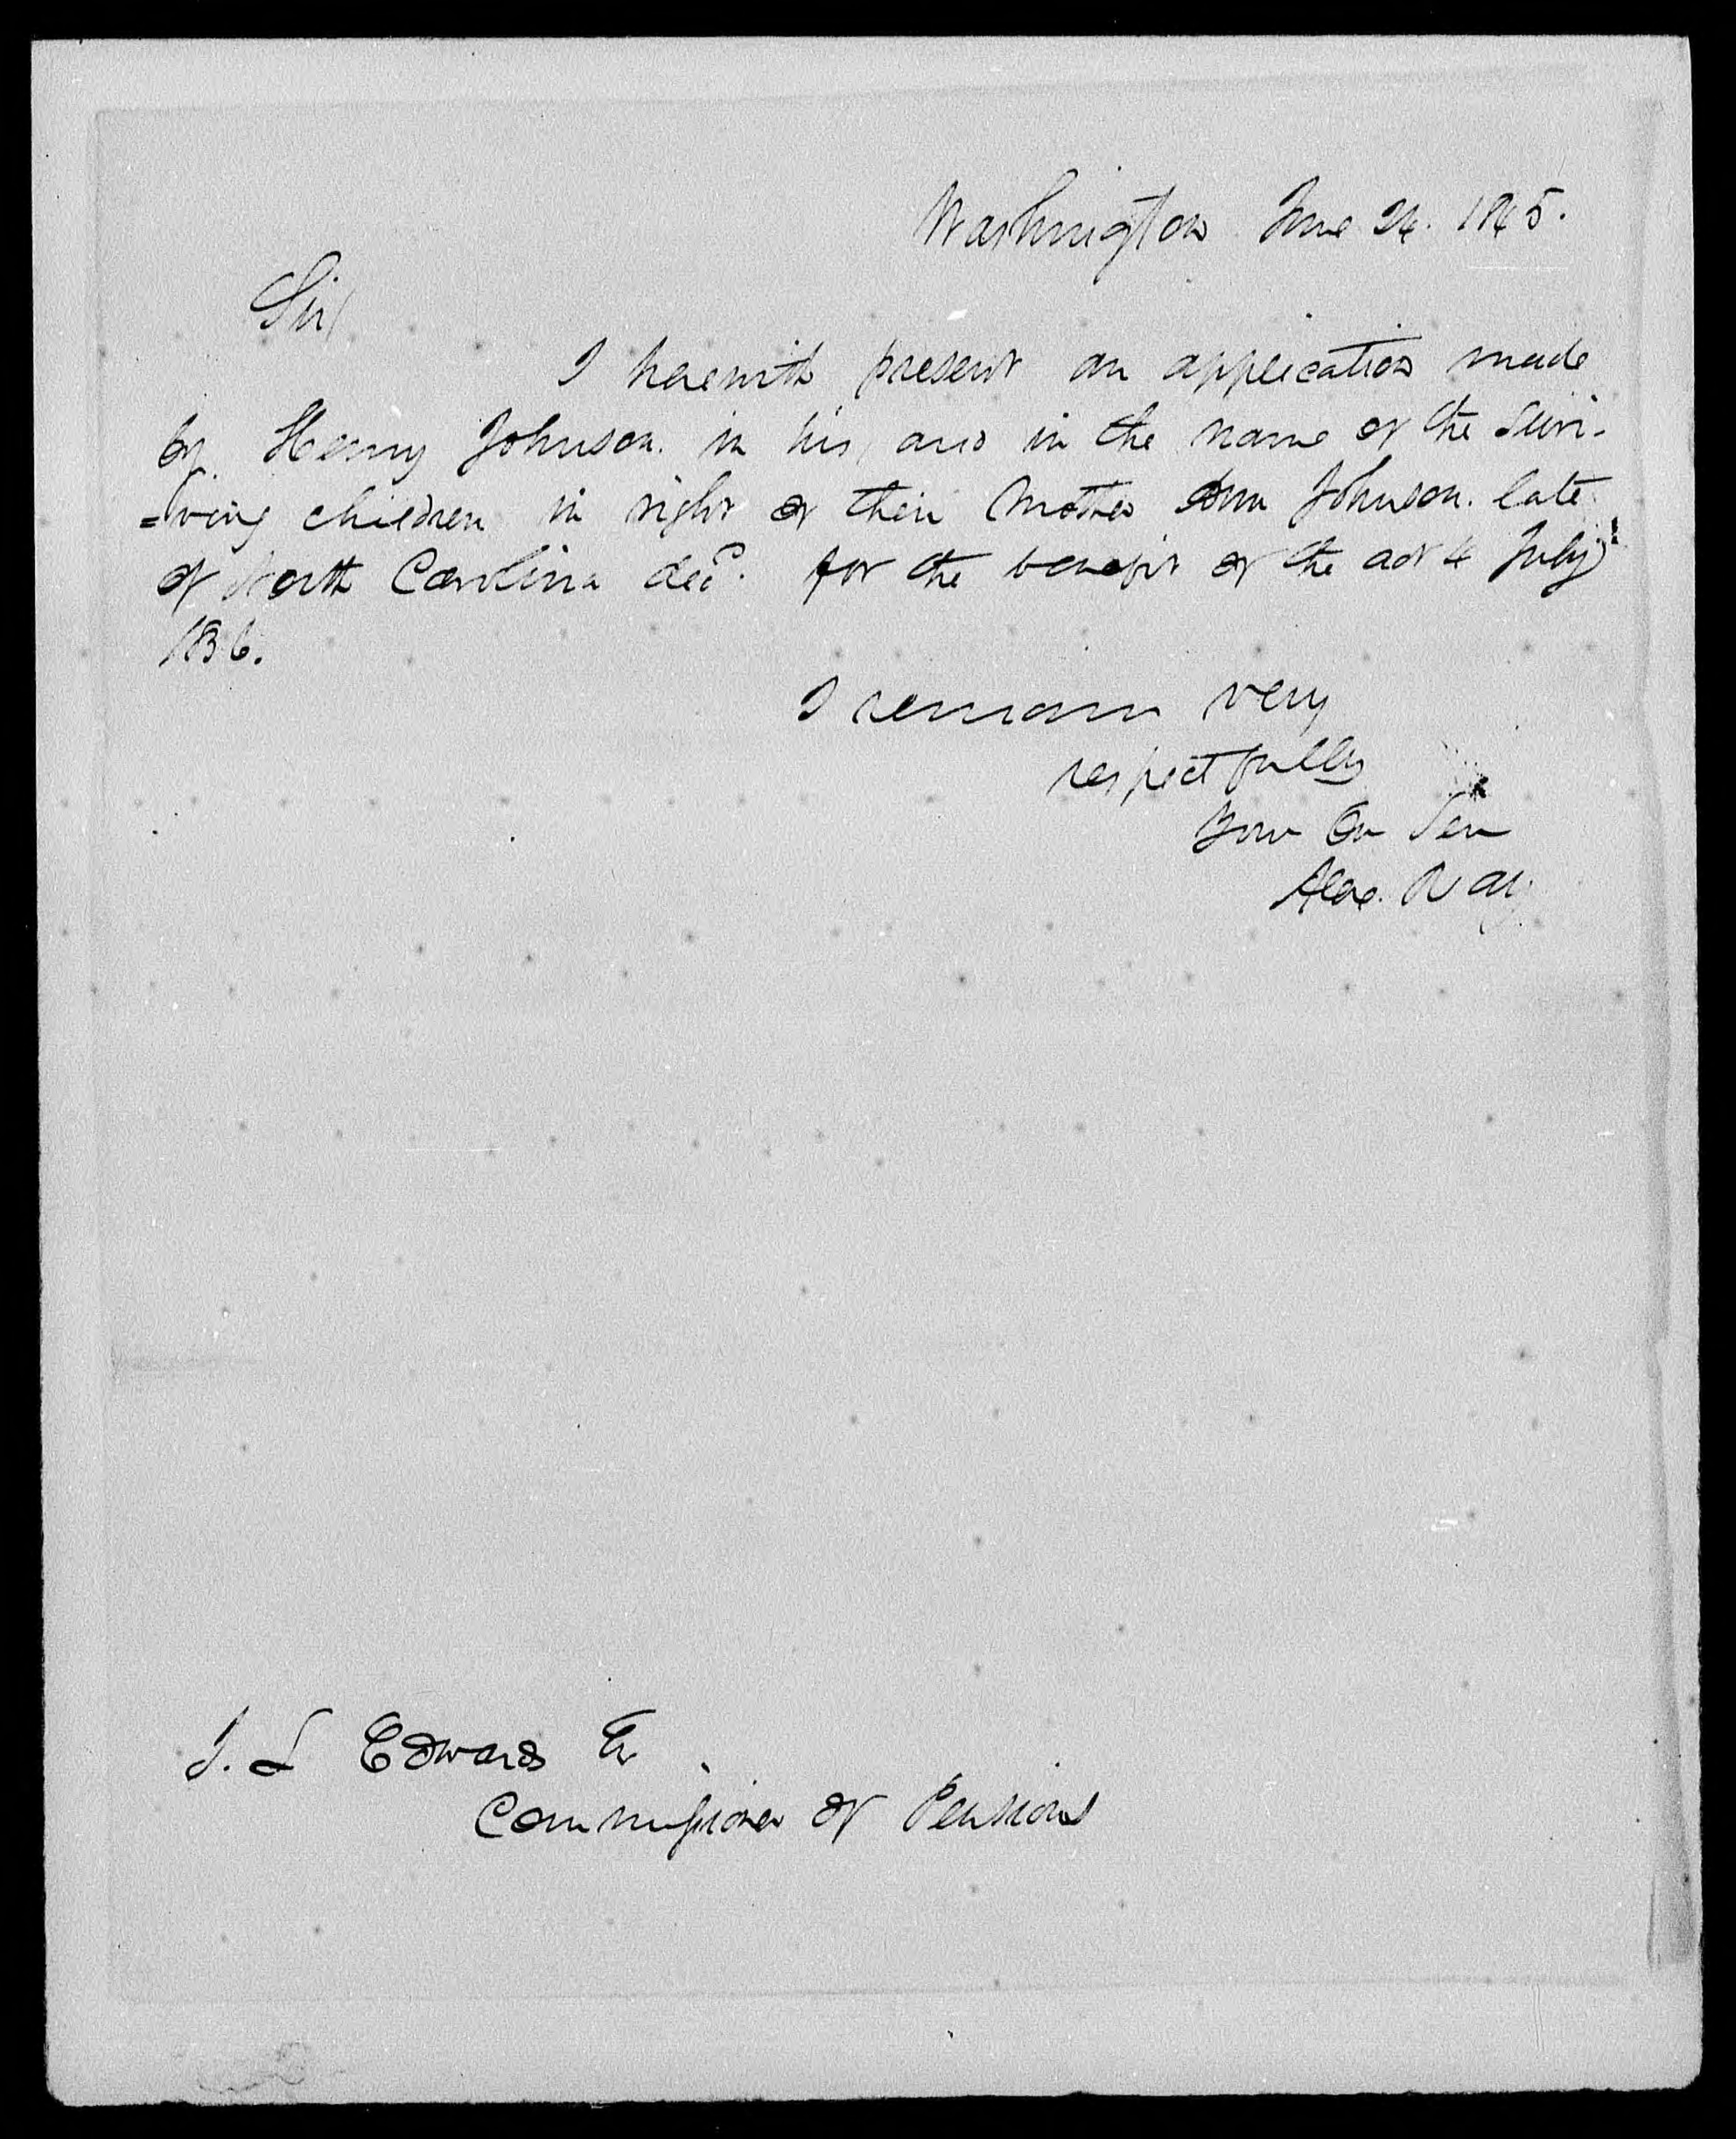Washington March 24, 1845
Sir,
I herewith present an application made by Henry Johnson in his and in the name of the surviving children in light of their mother Ann Johnson late of North Carolina dead for the benefits of the act of 4 July 1836.
I remain very respectfully your obedient servant,
Alex Ray 

J. L. Edwards Esq.
Commissioner of Pensions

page: 51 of 74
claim: rejected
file: R. 5600, for Abel Johnson, North Carolina